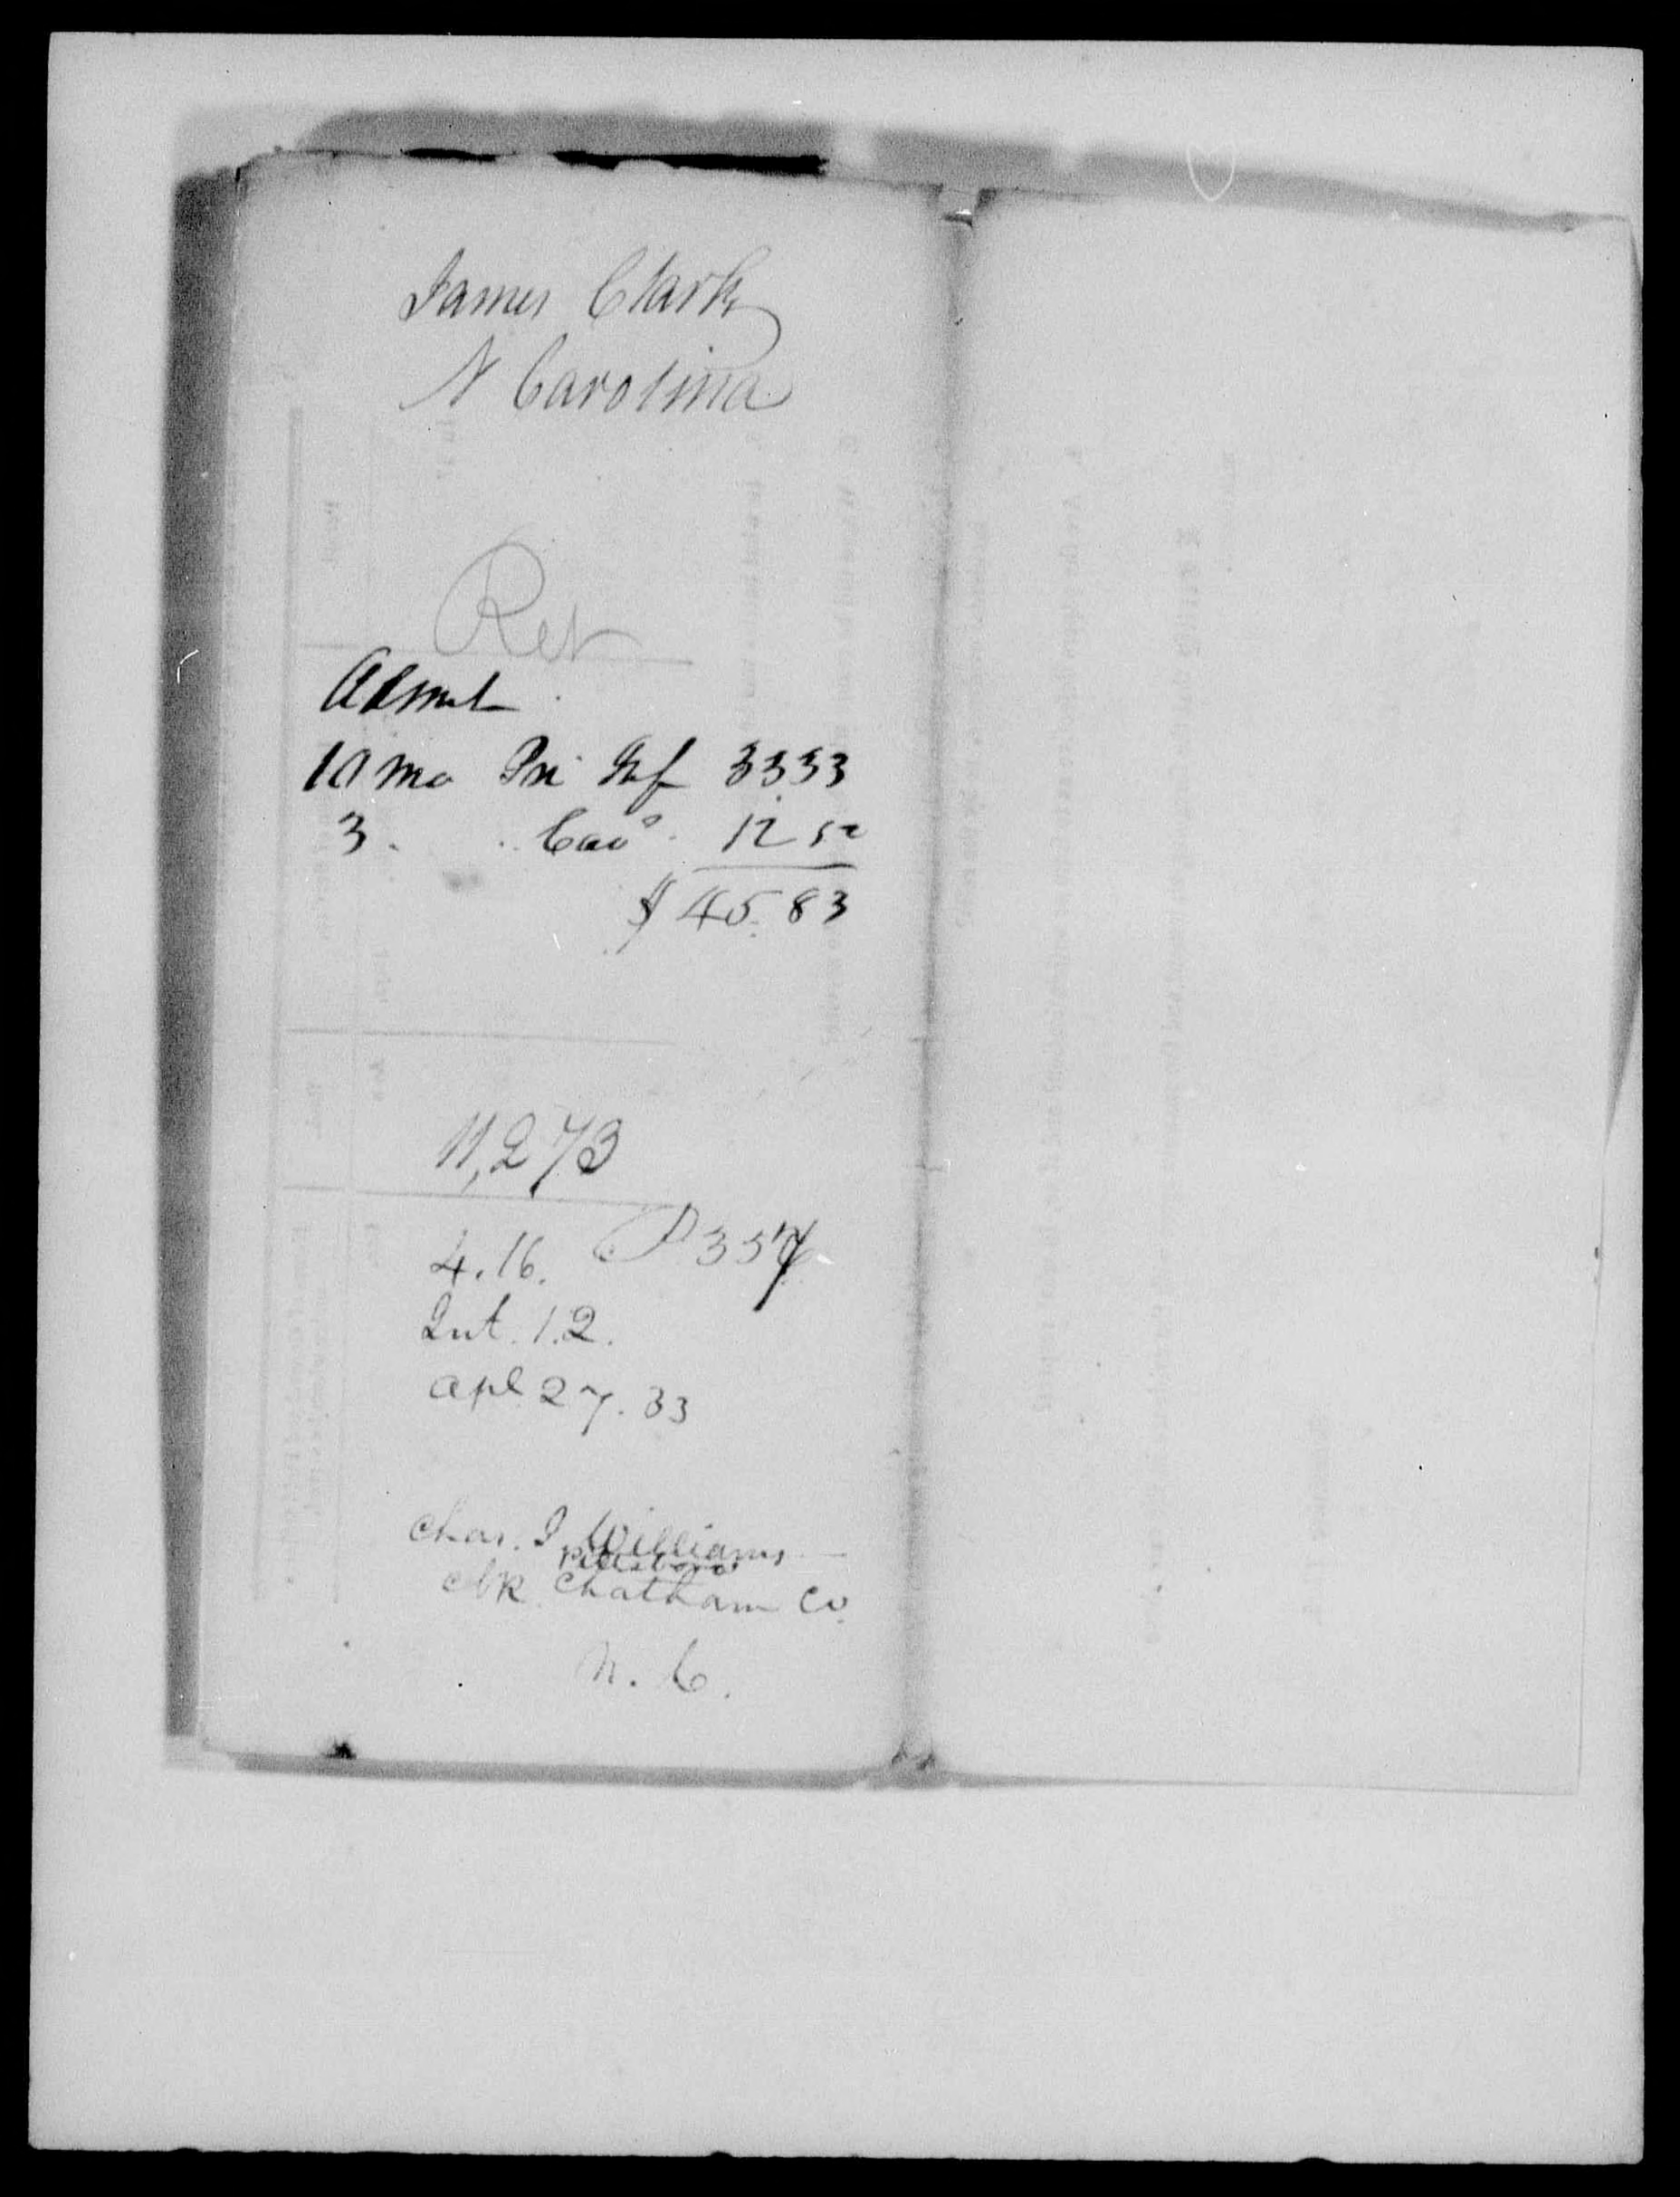James Clark
N Carolina

Ret
Admit.
10 Mo in Inf  33.33
3 Cas'  $12.52
---
$45.83

11,273


 P357
4. 16  
Int. 1.2.
Apl 27.33


Chas J Williams-
Pittsboro
Clk. Chatham Co
N.C.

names: Chas J Williams, James Clark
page: 9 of 16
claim: survivor's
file: S. 8207, James Clark, N.C.